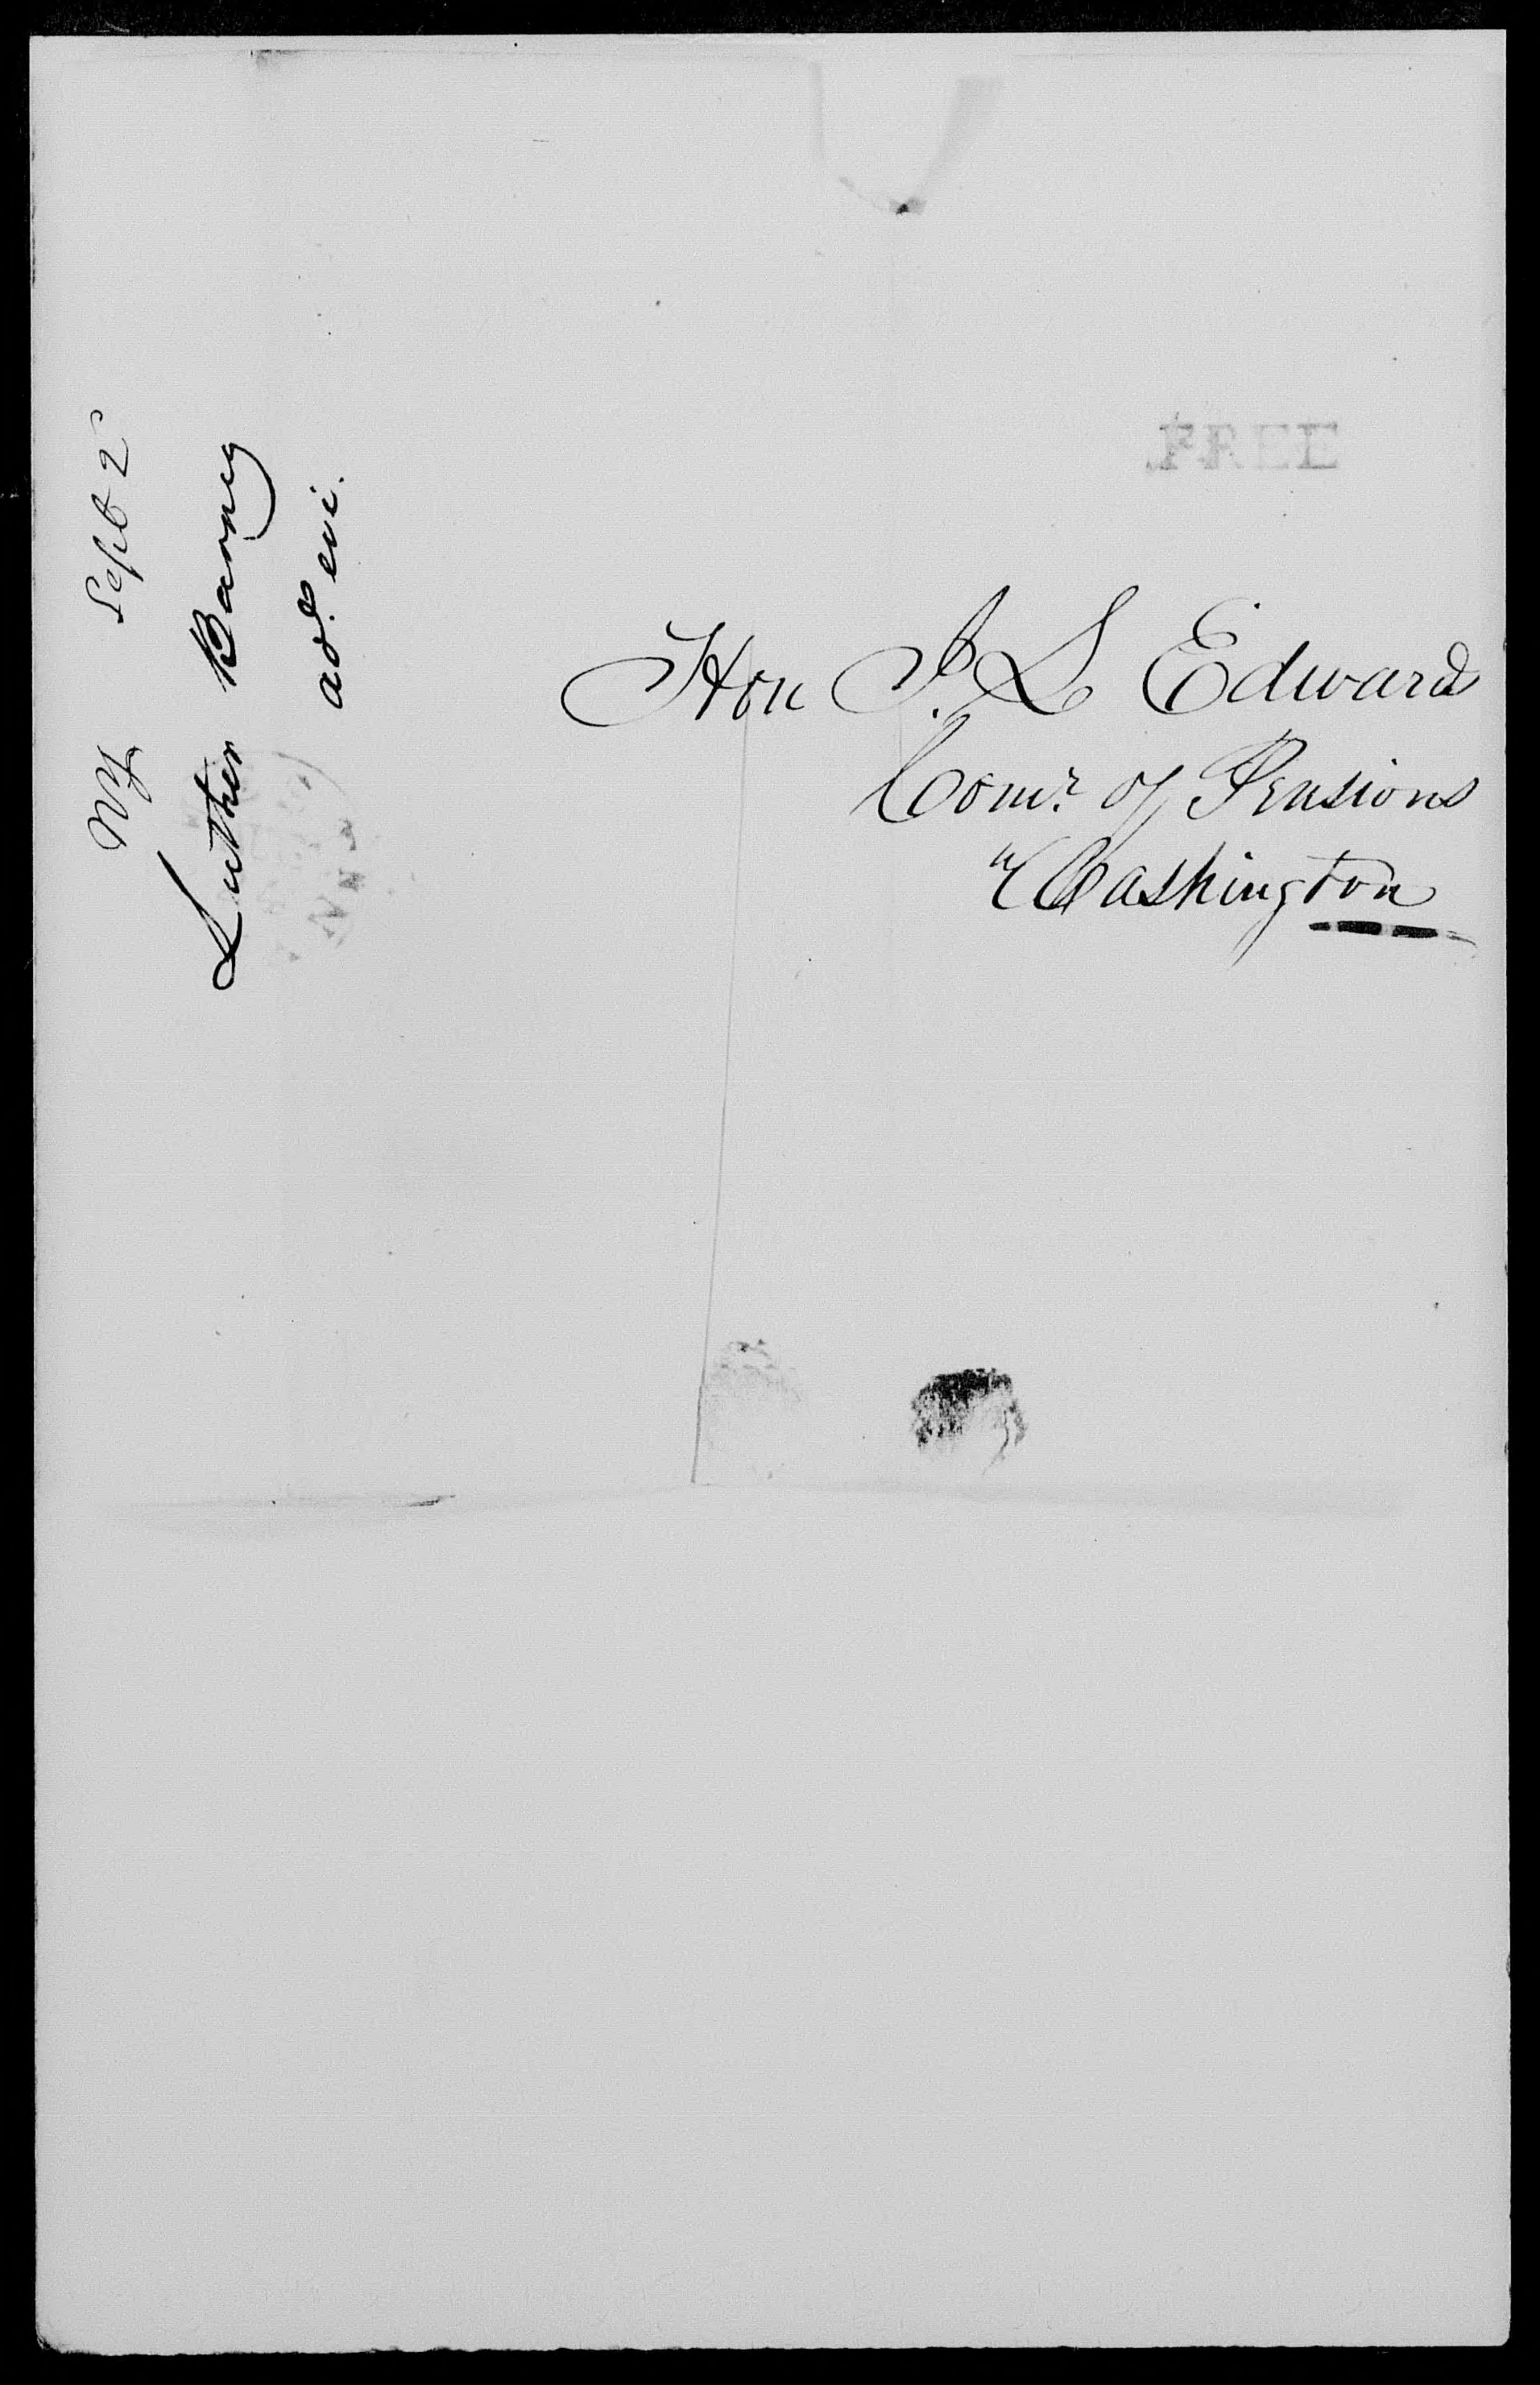[vertical]
NY Sept 2d
Luther Barney
adl. evi.

[horizontal]
[faint stamp: FREE]
Hon J S Edwards
Court of Pensions
Washington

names: J L Edwards, Luther Barney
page: 37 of 61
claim: widow's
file: W. 4.124, Luther Barney, Conn. Privateer.